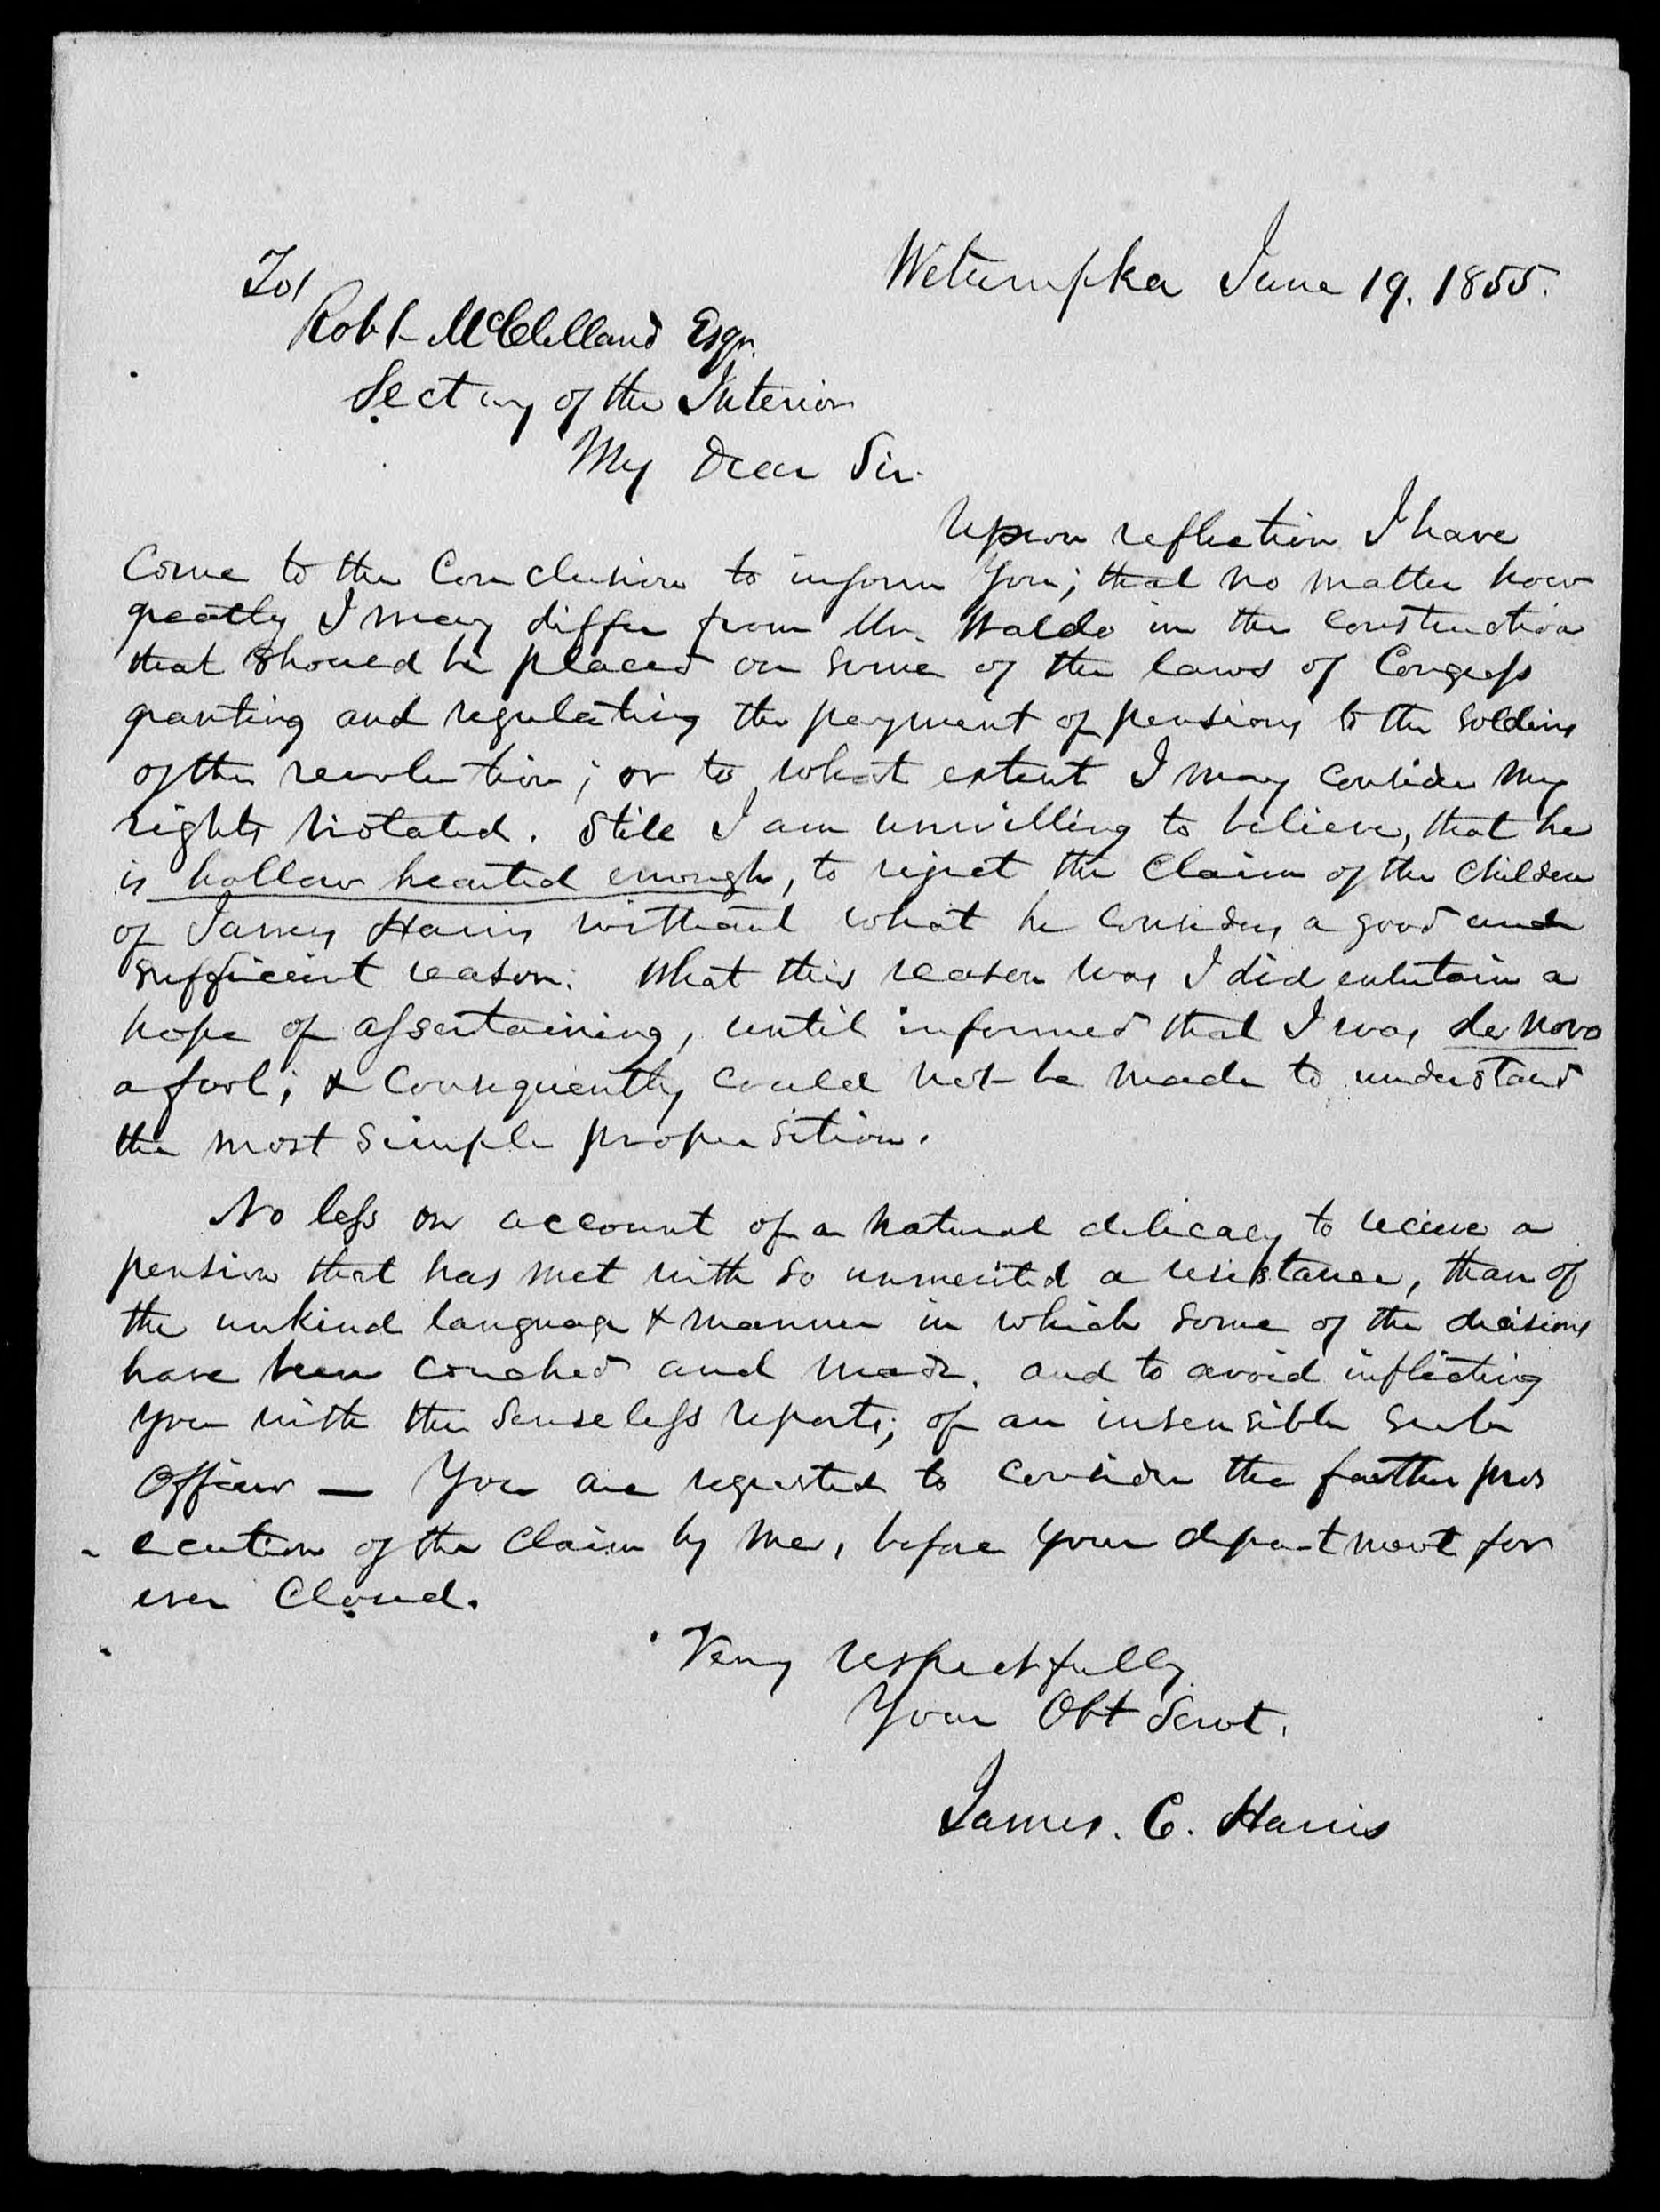Wetumpka June 19, 1855

To/
Robt McClelland Esqr
Sectary of the Interior
My Dear Sir.
Upon reflection I have come to the conclusion to inform you, that no matter how greatly I may differ from Mr. Waldo in the construction that should be placed on some of the laws of Congress granting and regulating the payment of pensions to the soldiers of the revolution, or to what extent I may consider my rights violated.  Still I am unwilling to believe, that he is hollow hearted enough to reject the claim of the children of James Harris without what he considers a good and sufficient reason.  What this reason was I did entertain a hope of assertaining, [sic] until informed that I was [?] a fool, & consequently could not be made to understand the most simple proposition.
No less on account of a natural delicacy to receive a pension that has met with so unmerited a resistance, than of the unkind language & manner in which some of the decisions have been couched and worded, and to avoid inflecting you with the senseless reports, of an insensible sub officer--You are requested to consider the further prosecution of the claim by me, before your department forever closed.
Very respectfully
Your Obt Servt
James C. Harris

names: Waldo, James Harris, Robt Mc Clelland, James C Harris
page: 105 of 160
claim: rejected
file: R. 4666, James Harris, Va.